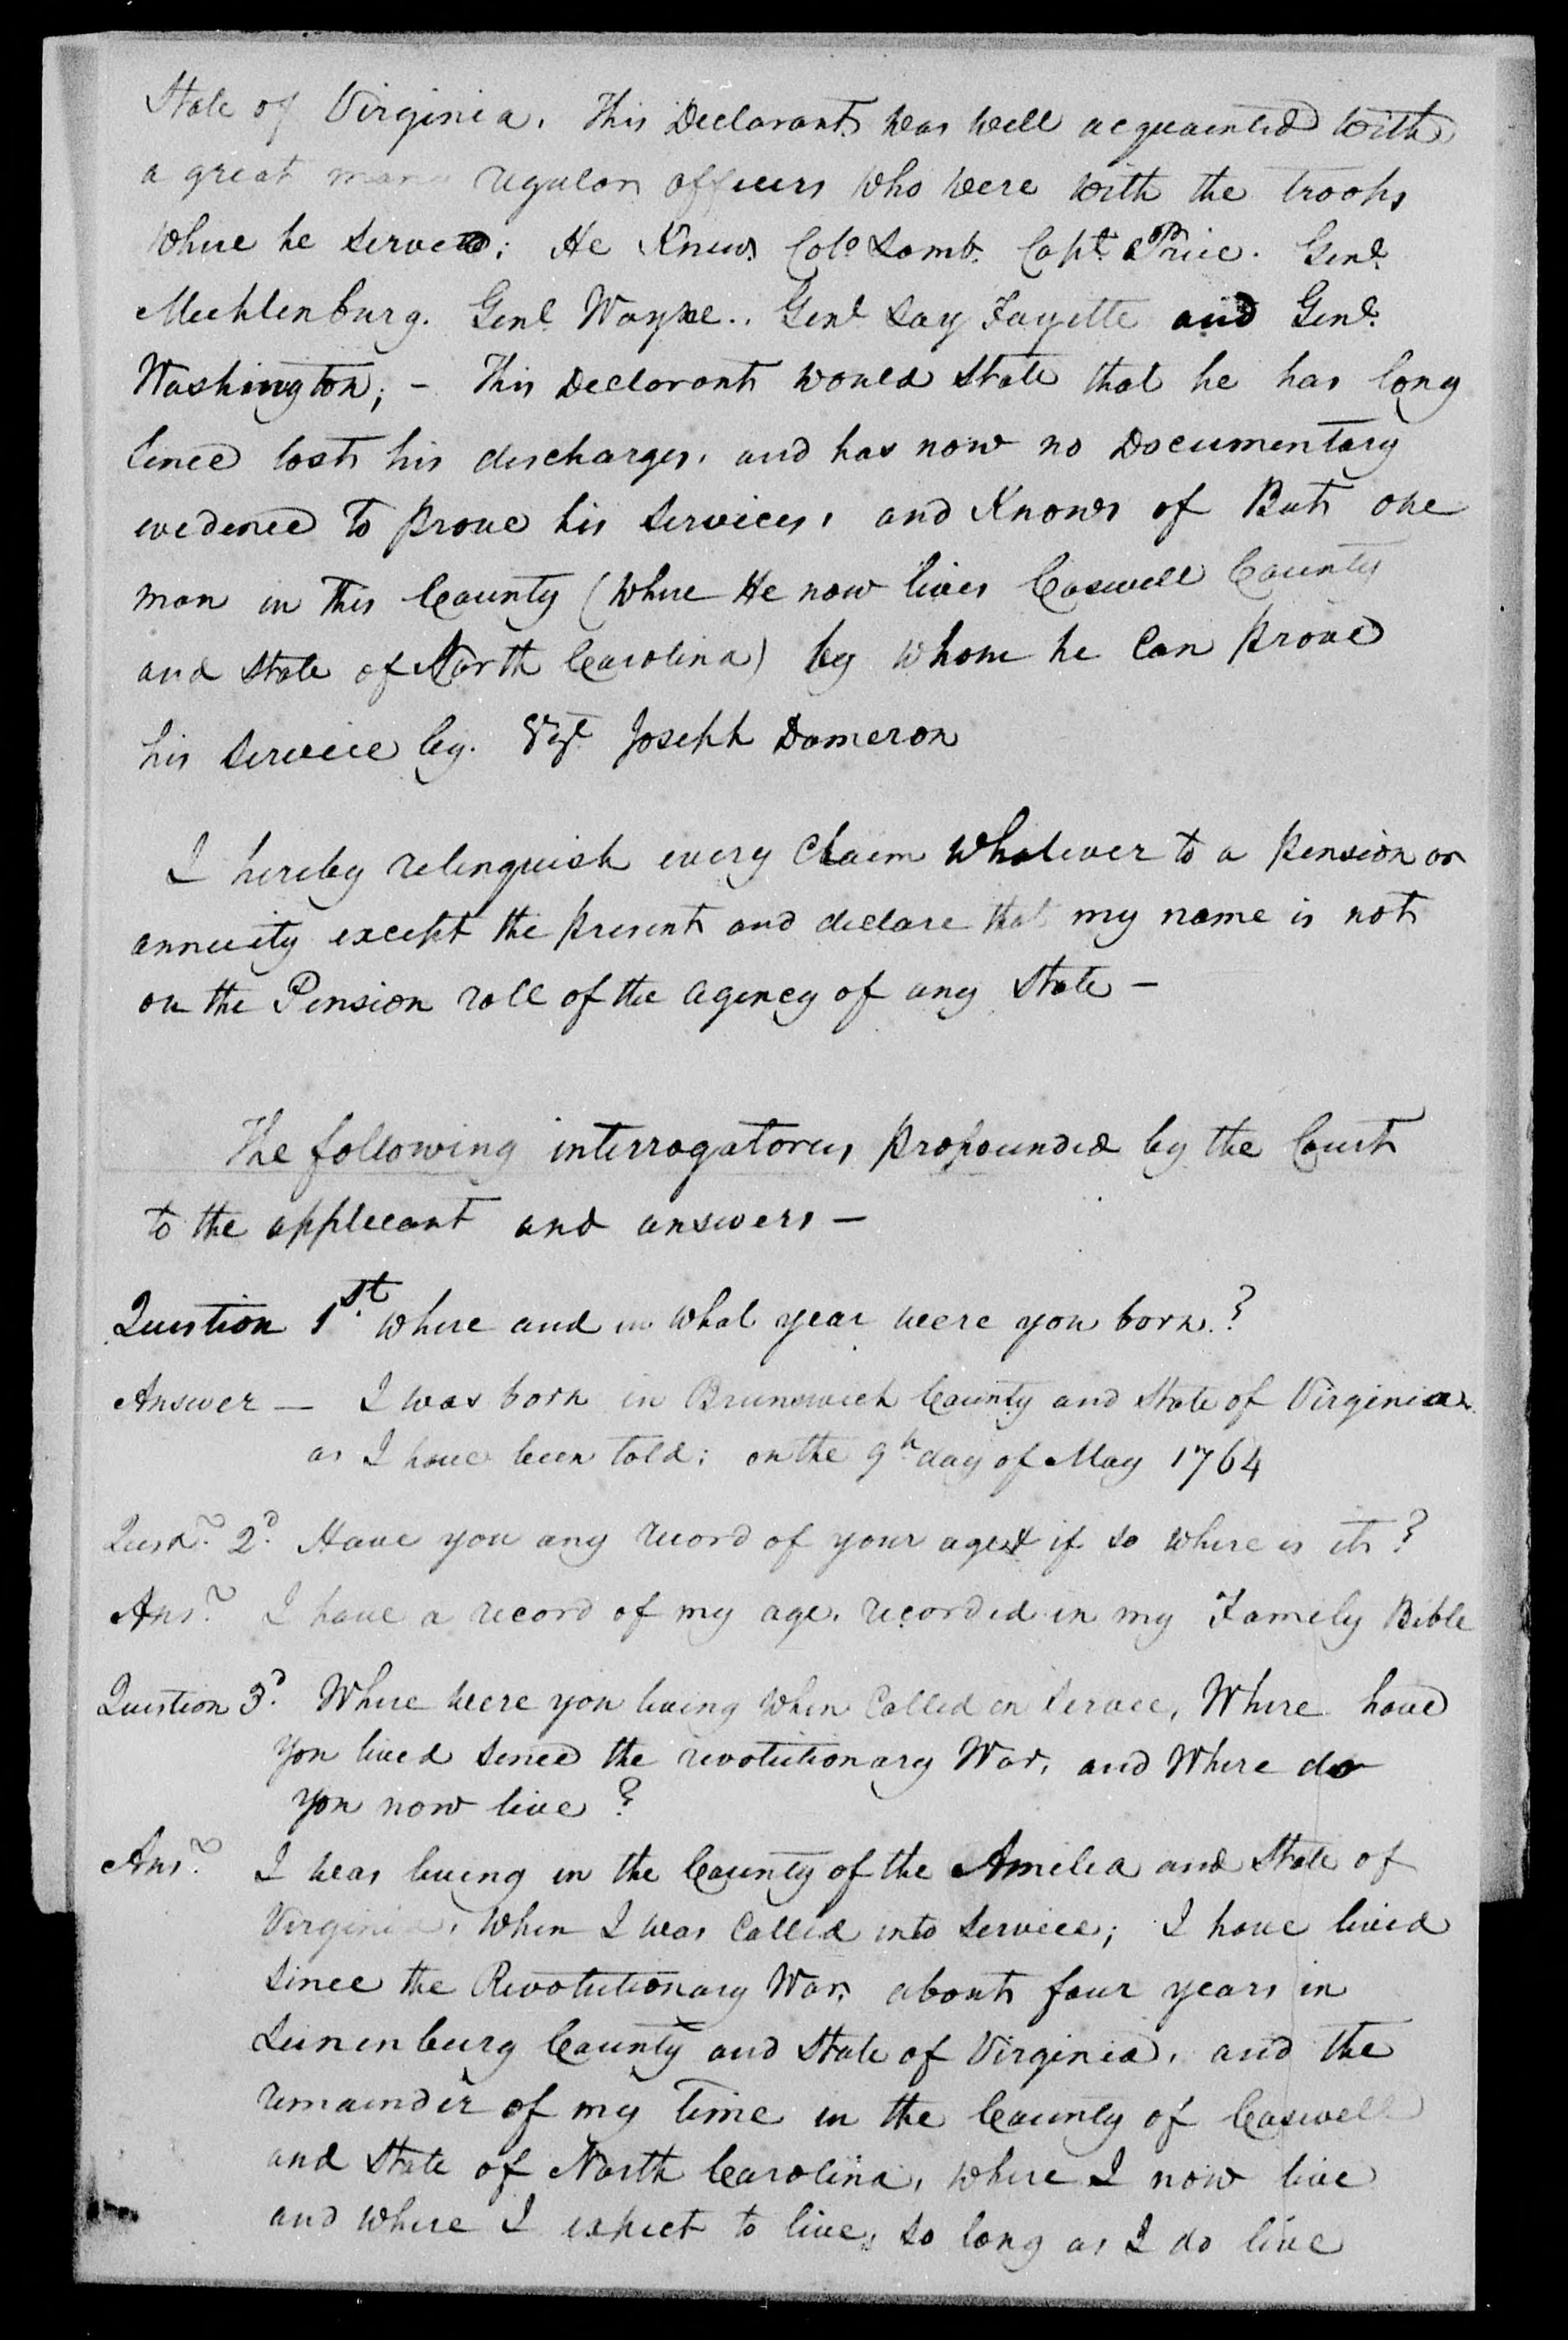State of Virginia.  This Declarant was well acquainted with a great many regular officers who were with the troops where he served.  He knows Colo Lamb, Capt Price. Genl. Muhlenburg. Genl. Wayne.. Genl Lay Fayette and Genl. Washington;— This Declarant would state that he has long since lost his discharges, and has now no Documentary evidence to prove his services, and Knows of But one man in this county (where He now lives Caswell County and State of North Carolina) by whom he can prove his service by.  Sgt. Joseph Dameron

I hereby relinquish every claim whatever to a pension or annuity except the present and declare that my name is not on the Pension roll of the agency of any state—
The following interrogation, propounded by the Court to the applicant and answers—
Question 1st Where and in what year were you born?
Answer— I was born in Brunswick County and State of Virginia as I have been told; on the 9th day of May 1764
Quest. 2d. Have you any record of your age & if so where is it?
Ans. I have a record of my age recorded in my Family Bible
Question 3d. Where were you living when called in service.  Where have you lived since the revolutionary War, and Where do you now live?
Ans. I was living in the County of the Amelia and State of Virginia, when I was called into service; I have lived since the Revolutionary War about four years in Lunenburg County and State of Virginia, and the remainder of my time in the County of Caswell and State of North Carolina, where I now live and where I expect to live, so long as I do live.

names: Wayne, Washington, Joseph Dameron, Price, Muhlenburg, Lamb, Lay Fayette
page: 8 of 58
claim: survivor's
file: S. 6,941, Starling Gunn, Continental Va.